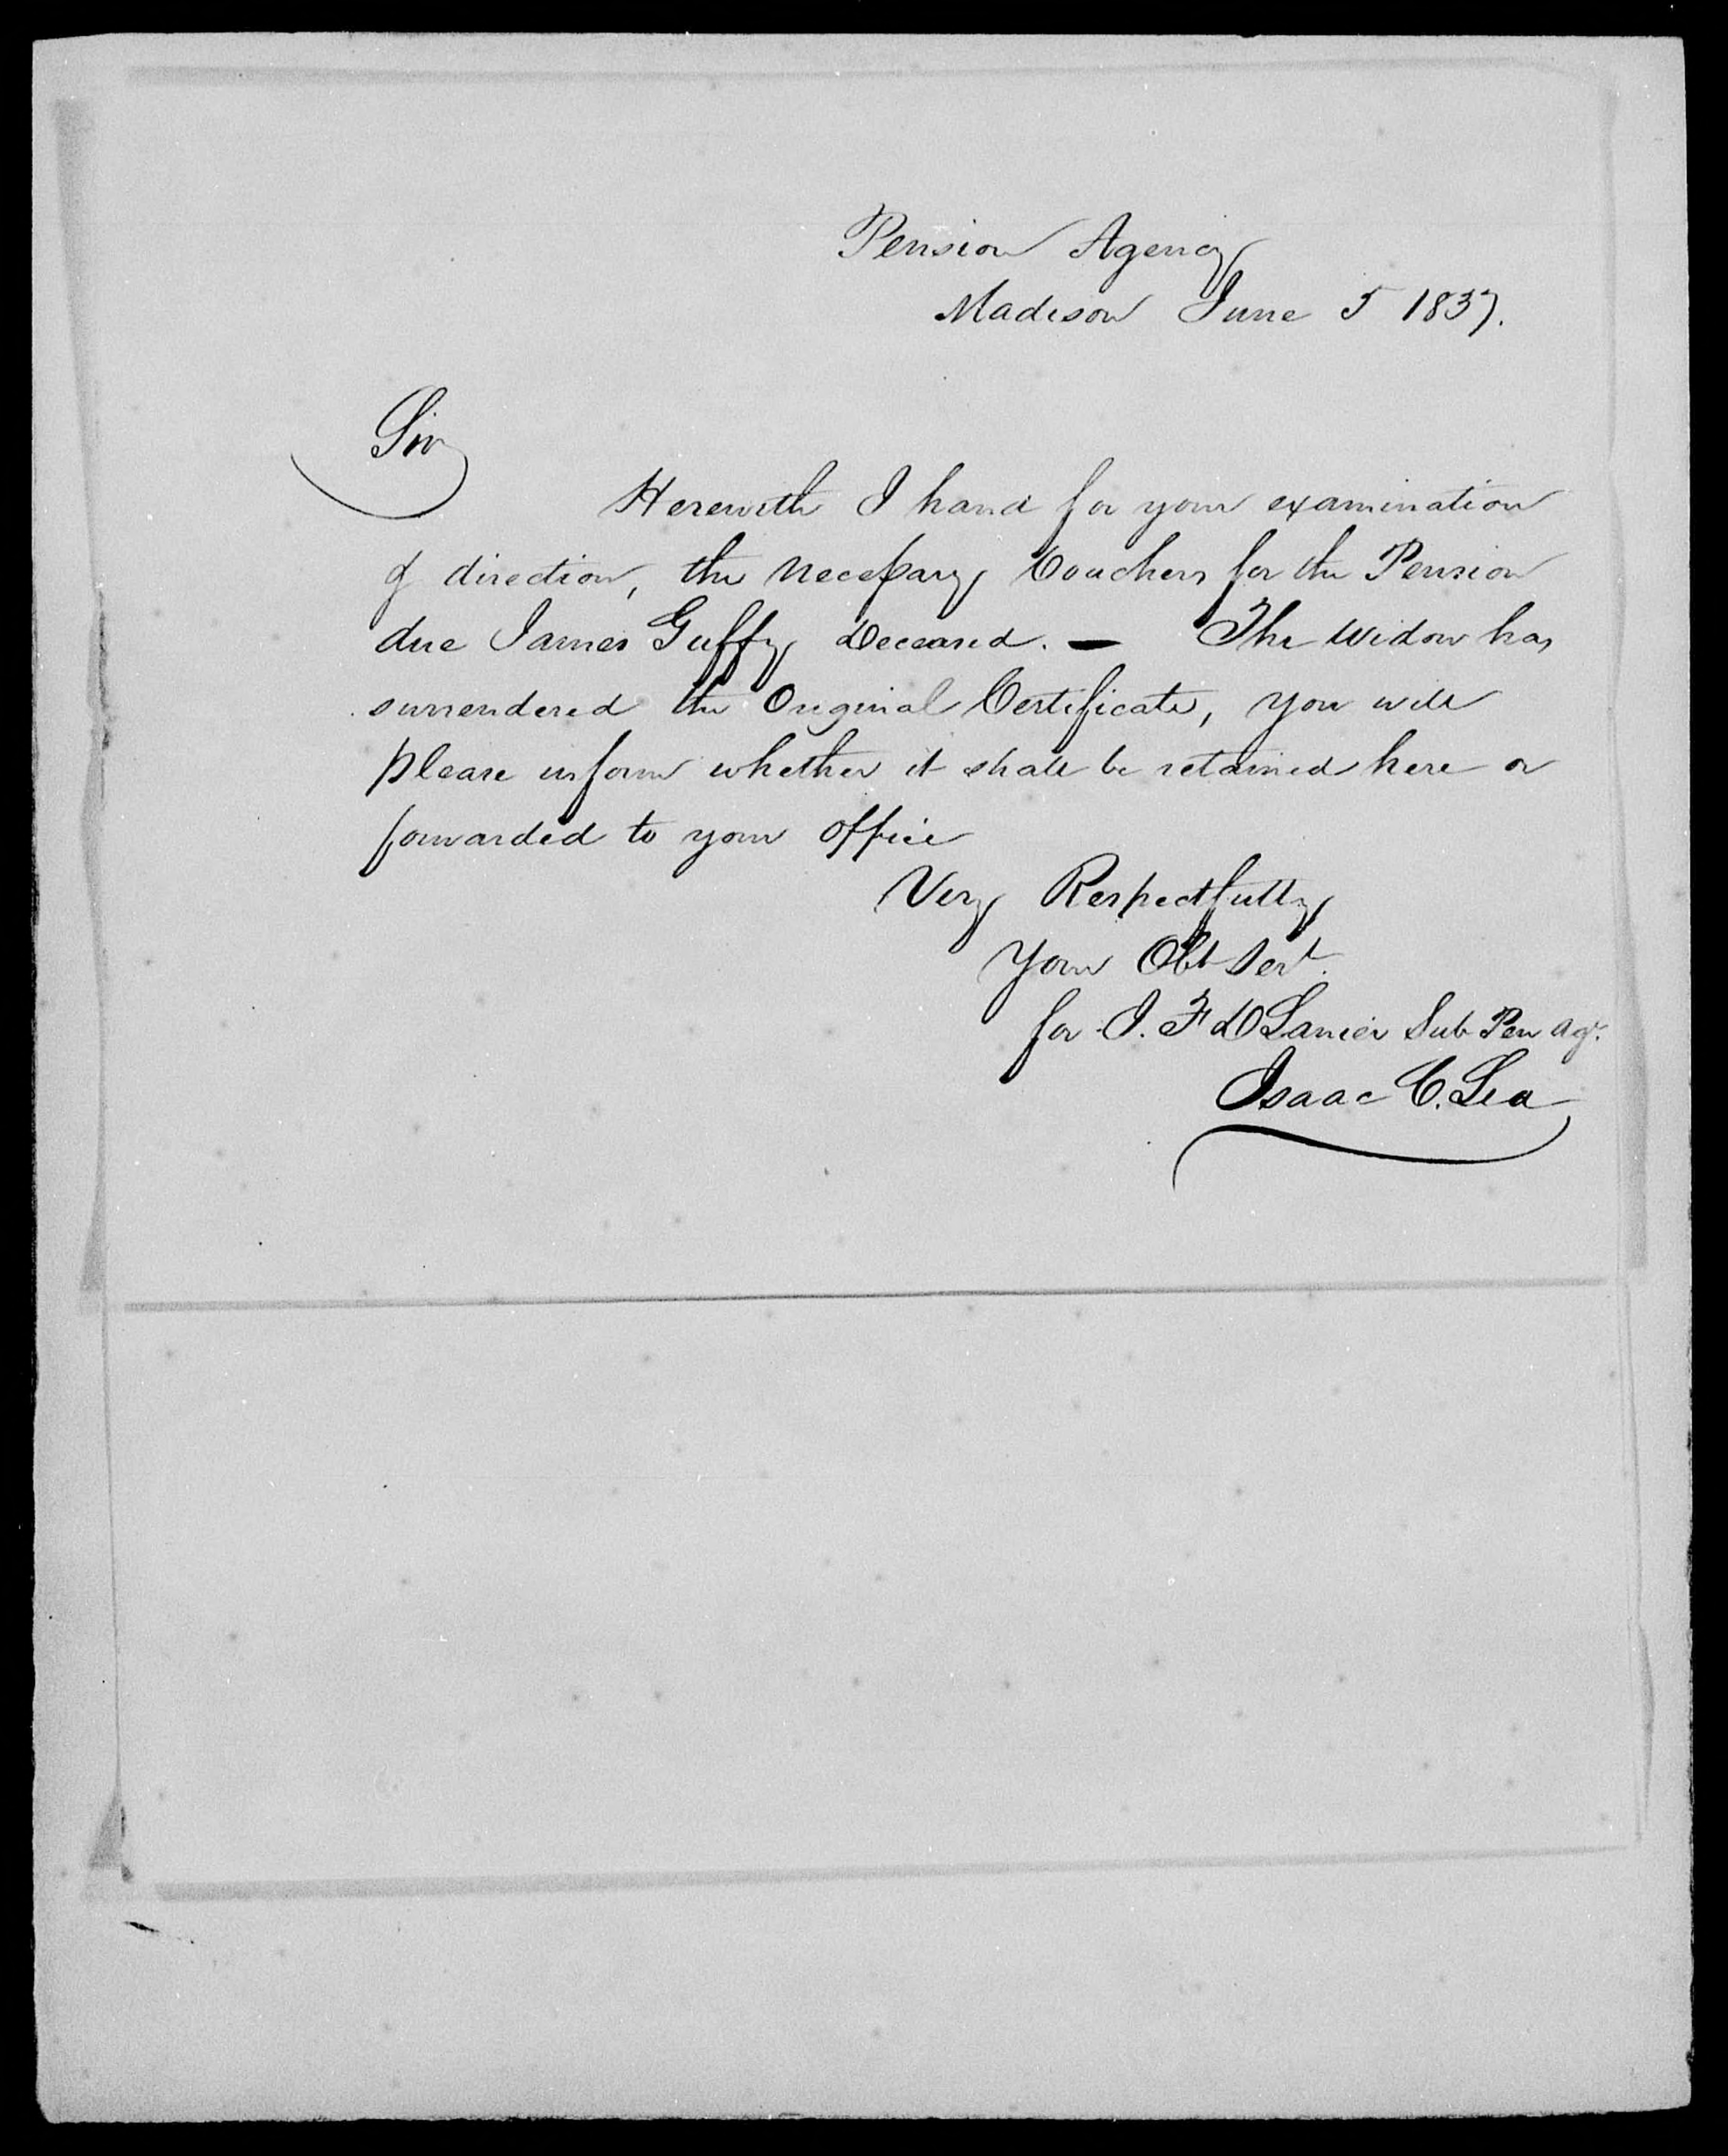Pension Agency
Madison June 5 1837
Sir
Herewith I hand for your examination
of direction, the necessary Vouchers for the Pension due James Guffy Deceased.-
The widow has surrendered the Original Certificate, you will 
please inform whether it shall be retained here or
forwarded to your office
Very Respectfully
Your Obt Sert
for I.F D Lanier Sub Pen Agt
Isaac C. Lea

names: I F D Lanier, James Guffy, Isaac C Lea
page: 31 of 36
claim: survivor's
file: S. 31,718, James Guffey, Penn.